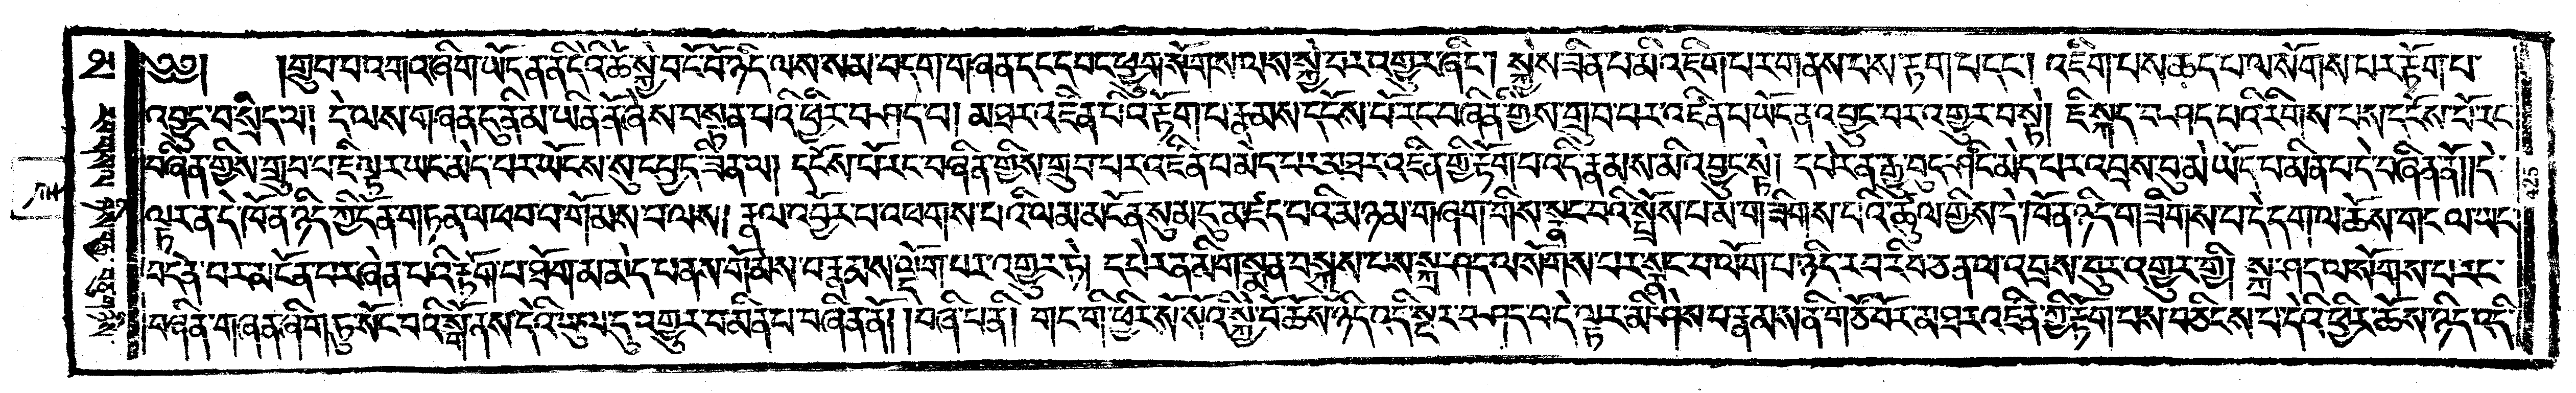༄༅། །གྲུབ་པ་འགའ་ཞིག་ཡོད་ན་ནི་དེའི་ཚེ་སྐྱེ་བ་ངོ་བོ་ཉིད་ལས་སམ་བདག་གཞན་དང་དབང་ཕྱུག་སོགས་ལས་སྐྱེ་བར་འགྱུར་ཞིང་། སྐྱེས་ཟིན་པ་མི་འཇིག་པར་གནས་པས་རྟག་པ་དང་། འཇིག་པས་ཆད་པ་ལ་སོགས་པར་རྟོག་པ་
འབྱུང་བ་སྲིད་ལ། དེ་ལས་གཞན་དུ་ནི་མ་ཡིན་ནོ་ཞེས་བསྟན་པའི་ཕྱིར་བཤད་པ། མཐར་འཛིན་པའི་རྟོག་པ་རྣམས་དངོས་པོ་རང་བཞིན་གྱིས་གྲུབ་པར་འཛིན་པ་ཡོད་ན་འབྱུང་བར་འགྱུར་བ་སྟེ། ཇི་སྐད་བཤད་པའི་རིགས་པས་དངོས་པོ་རང་
བཞིན་གྱིས་གྲུབ་པ་ཇི་ལྟར་ཡང་མེད་པར་ཡོངས་སུ་དཔྱད་ཟིན་ལ། དངོས་པོ་རང་བཞིན་གྱིས་གྲུབ་པར་འཛིན་པ་མེད་པར་མཐར་འཛིན་གྱི་རྟོག་པ་འདི་རྣམས་མི་འབྱུང་སྟེ། དཔེར་ན་རྒྱུ་བུད་ཤིང་མེད་པར་འབྲས་བུ་མེ་ཡོད་པ་མིན་པ་དེ་བཞིན་ནོ། །དེ་
ལྟར་ན་དེ་ཁོ་ན་ཉིད་ཀྱི་དོན་གཏན་ལ་ཕབ་པ་གོམས་པ་ལས། རྣལ་འབྱོར་པ་འཕགས་པའི་ལམ་མངོན་སུམ་དུ་མཛད་པའི་མཉམ་གཞག་གིས་སྣང་བའི་སྤྲོས་པ་མ་གཟིགས་པའི་ཚུལ་གྱིས་དེ་ཁོ་ན་ཉིད་གཟིགས་པ་དེ་དག་ལ་ཆོས་གང་ལ་ཡང་
བདེན་པར་མངོན་པར་ཞེན་པའི་རྟོག་པ་ཐོག་མ་མེད་པ་ནས་གོམས་པ་རྣམས་ལྡོག་པར་འགྱུར་ཏེ། དཔེར་ན་མིག་སྨན་བསྐུས་པས་སྐྲ་ཤད་ལ་སོགས་པར་སྣང་བ་ལོག་པ་ཉིད་རབ་རིབ་ཅན་ལ་འབྲས་བུར་འགྱུར་གྱི། སྐྲ་ཤད་ལ་སོགས་པ་རང་
བཞིན་གཞན་ཞིག་ཏུ་སོང་བའི་སྒོ་ནས་དེའི་ཡུལ་དུ་འགྱུར་བ་མིན་པ་བཞིན་ནོ། །བཞིན་པ་ནི། གང་གི་ཕྱིར་སོ་སོའི་སྐྱེ་བོ་ཆོས་ཉིད་འདི་སྔར་བཤད་པ་དེ་ལྟར་མི་ཤེས་པ་རྣམས་ནི་གཙོ་བོར་མཐར་འཛིན་གྱི་རྟོག་པས་བཅིངས་པ་དེའི་ཕྱིར་ཆོས་ཉིད་འདི་